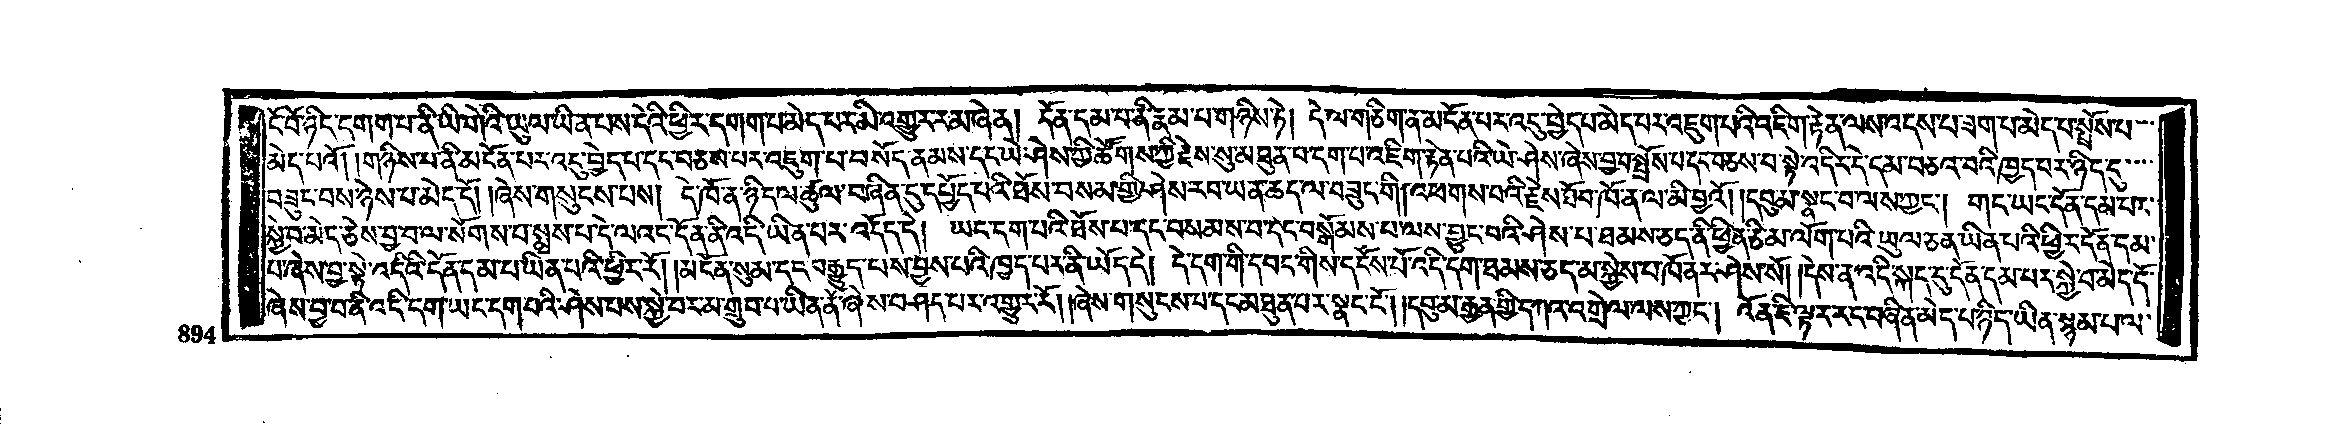ངོ་བོ་ཉིད་དགག་པ་ནི་ཡི་གེའི་ཡུལ་ཡིན་པས་དེའི་ཕྱིར་དགག་པ་མེད་པར་མི་འགྱུར་རམ་ཞེ་ན། དོན་དམ་པ་ནི་རྣམ་པ་གཉིས་ཏེ། དེ་ལ་གཅིག་ནི་མངོན་པར་འདུ་བྱེད་པ་མེད་པར་འཇུག་པའི་འཇིག་རྟེན་ལས་འདས་པ་ཟག་པ་མེད་པ་སྤྲོས་པ་
མེད་པའོ། །གཉིས་པ་ནི་མངོན་པར་འདུ་བྱེད་པ་དང་བཅས་པར་འཇུག་པ་བསོད་ནམས་དང་ཡེ་ཤེས་ཀྱི་ཚོགས་ཀྱི་རྗེས་སུ་མཐུན་པ་དག་པ་འཇིག་རྟེན་པའི་ཡེ་ཤེས་ཞེས་བྱ་བ་སྤྲོས་པ་དང་བཅས་པ་སྟེ་འདིར་དེ་དམ་བཅའ་བའི་ཁྱད་པར་ཉིད་དུ་
བཟུང་བས་ཉེས་པ་མེད་དོ། །ཞེས་གསུངས་པས། དེ་ཁོ་ན་ཉིད་ལ་ཚུལ་བཞིན་དུ་དཔྱོད་པའི་ཐོས་བསམ་གྱི་ཤེས་རབ་ཡན་ཆད་ལ་བཟུང་གི །འཕགས་པའི་རྗེས་ཐོབ་ཁོ་ན་ལ་མི་བྱའོ། །དབུ་མ་སྣང་བ་ལས་ཀྱང་། གང་ཡང་དོན་དམ་པར་
སྐྱེ་བ་མེད་ཅེས་བྱ་བ་ལ་སོགས་པ་སྨྲས་པ་དེ་ལའང་དོན་ནི་འདི་ཡིན་པར་འདོད་དེ། ཡང་དག་པའི་ཐོས་པ་དང་བསམས་པ་དང་བསྒོམས་པ་ལས་བྱུང་བའི་ཤེས་པ་ཐམས་ཅད་ནི་ཕྱིན་ཅི་མ་ལོག་པའི་ཡུལ་ཅན་ཡིན་པའི་ཕྱིར་དོན་དམ་
པ་ཞེས་བྱ་སྟེ་འདིའི་དོན་དམ་པ་ཡིན་པའི་ཕྱིར་རོ། །མངོན་སུམ་དང་བརྒྱུད་པས་བྱས་པའི་ཁྱད་པར་ནི་ཡོད་དེ། དེ་དག་གི་དབང་གིས་དངོས་པོ་འདི་དག་ཐམས་ཅད་མ་སྐྱེས་པ་ཁོ་ནར་ཤེས་སོ། །དེས་ན་འདི་སྐད་དུ་དོན་དམ་པར་སྐྱེ་བ་མེད་དོ་
ཞེས་བྱ་བ་ནི་འདི་དག་ཡང་དག་པའི་ཤེས་པས་སྐྱེ་བར་མ་གྲུབ་པ་ཡིན་ནོ་ཞེས་བཤད་པར་འགྱུར་རོ། །ཞེས་གསུངས་པ་དང་མཐུན་པར་སྣང་ངོ། །དབུ་མ་རྒྱན་གྱི་དཀའ་འགྲེལ་ལས་ཀྱང་། འོ་ན་ཇི་ལྟར་རང་བཞིན་མེད་པ་ཉིད་ཡིན་སྙམ་པ་ལ་